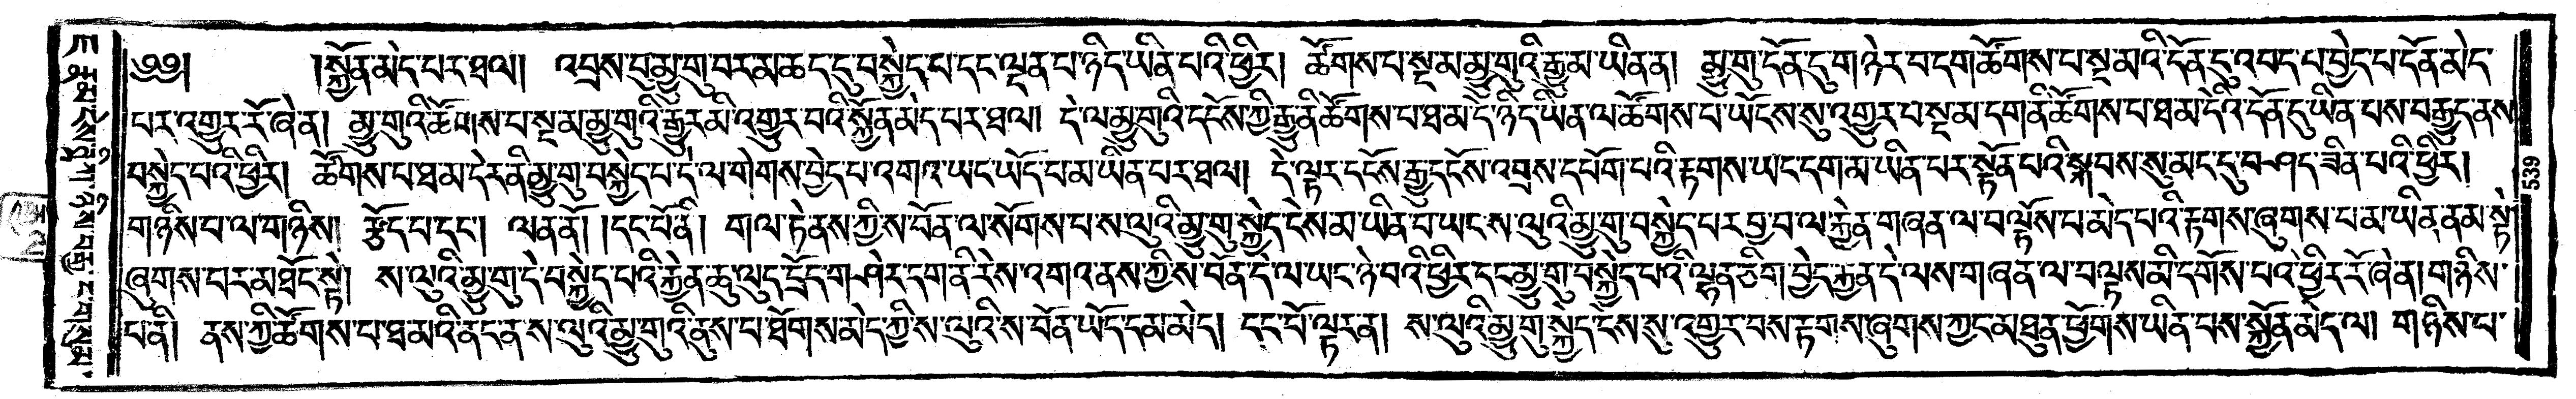༄༅། །སྐྱོན་མེད་པར་ཐལ། འབྲས་བུ་མྱུ་གུ་བར་མ་ཆད་དུ་བསྐྱེད་པ་དང་ལྡན་པ་ཉིད་ཡིན་པའི་ཕྱིར། ཚོགས་པ་སྔ་མ་མྱུ་གུའི་རྒྱུ་མ་ཡིན་ན། མྱུ་གུ་དོན་དུ་གཉེར་བ་དག་ཚོགས་པ་སྔ་མའི་དོན་དུ་འབད་པ་བྱེད་པ་དོན་མེད་
པར་འགྱུར་རོ་ཞེ་ན། མྱུ་གུའི་ཚོགས་པ་སྔ་མ་མྱུ་གུའི་རྒྱུར་མི་འགྱུར་བའི་སྐྱོན་མེད་པར་ཐལ། དེ་ལ་མྱུ་གུའི་དངོས་ཀྱི་རྒྱུ་ནི་ཚོགས་པ་ཐ་མ་དེ་ཉིད་ཡིན་ལ་ཚོགས་པ་ཡོངས་སུ་འགྱུར་བ་སྔ་མ་དག་ནི་ཚོགས་པ་ཐ་མ་དེའི་དོན་དུ་ཡིན་པས་བརྒྱུད་ནས་
བསྐྱེད་པའི་ཕྱིར། ཚོགས་པ་ཐ་མ་དེར་ནི་མྱུ་གུ་བསྐྱེད་པ་དེ་ལ་གེགས་བྱེད་པ་འགའ་ཡང་ཡོད་པ་མ་ཡིན་པར་ཐལ། དེ་ལྟར་དངོས་རྒྱུ་དངོས་འབྲས་དཔོག་པའི་རྟགས་ཡང་དག་མ་ཡིན་པར་སྟོན་པའི་སྐབས་སུ་མང་དུ་བཤད་ཟིན་པའི་ཕྱིར།
གཉིས་པ་ལ་གཉིས། རྩོད་པ་དང་། ལན་ནོ། །དང་པོ་ནི། གལ་ཏེ་ནས་ཀྱི་ས་བོན་ལ་སོགས་པ་ས་ལུའི་མྱུ་གུ་སྐྱེད་ངེས་མ་ཡིན་པ་ཡང་ས་ལུའི་མྱུ་གུ་བསྐྱེད་པར་བྱ་བ་ལ་རྐྱེན་གཞན་ལ་བལྟོས་པ་མེད་པའི་རྟགས་ཞུགས་པ་མ་ཡིན་ནམ་སྟེ་
ཞུགས་པར་མཐོང་སྟེ། ས་ལུའི་མྱུ་གུ་དེ་བསྐྱེད་པའི་རྐྱེན་ཆུ་ལུད་དྲོད་གཤེར་དག་ནི་རེས་འགའ་ནས་ཀྱི་ས་བོན་དེ་ལ་ཡང་ཉེ་བའི་ཕྱིར་དང་མྱུ་གུ་བསྐྱེད་པའི་ལྷན་ཅིག་བྱེད་རྐྱན་དེ་ལས་གཞན་ལ་བལྟས་མི་དགོས་པའི་ཕྱིར་རོ་ཞེ་ན། གཉིས་
པ་ནི། ནས་ཀྱི་ཚོགས་པ་ཐ་མའི་ནང་ན་ས་ལུའི་མྱུ་གུའི་ནུས་པ་ཐོགས་མེད་ཀྱི་ས་ལུའི་ས་བོན་ཡོད་དམ་མེད། དང་པོ་ལྟར་ན། ས་ལུའི་མྱུ་གུ་སྐྱེད་ངེས་སུ་འགྱུར་བས་རྟགས་ཞུགས་ཀྱང་མཐུན་ཕྱོགས་ཡིན་པས་སྐྱོན་མེད་ལ། གཉིས་པ་